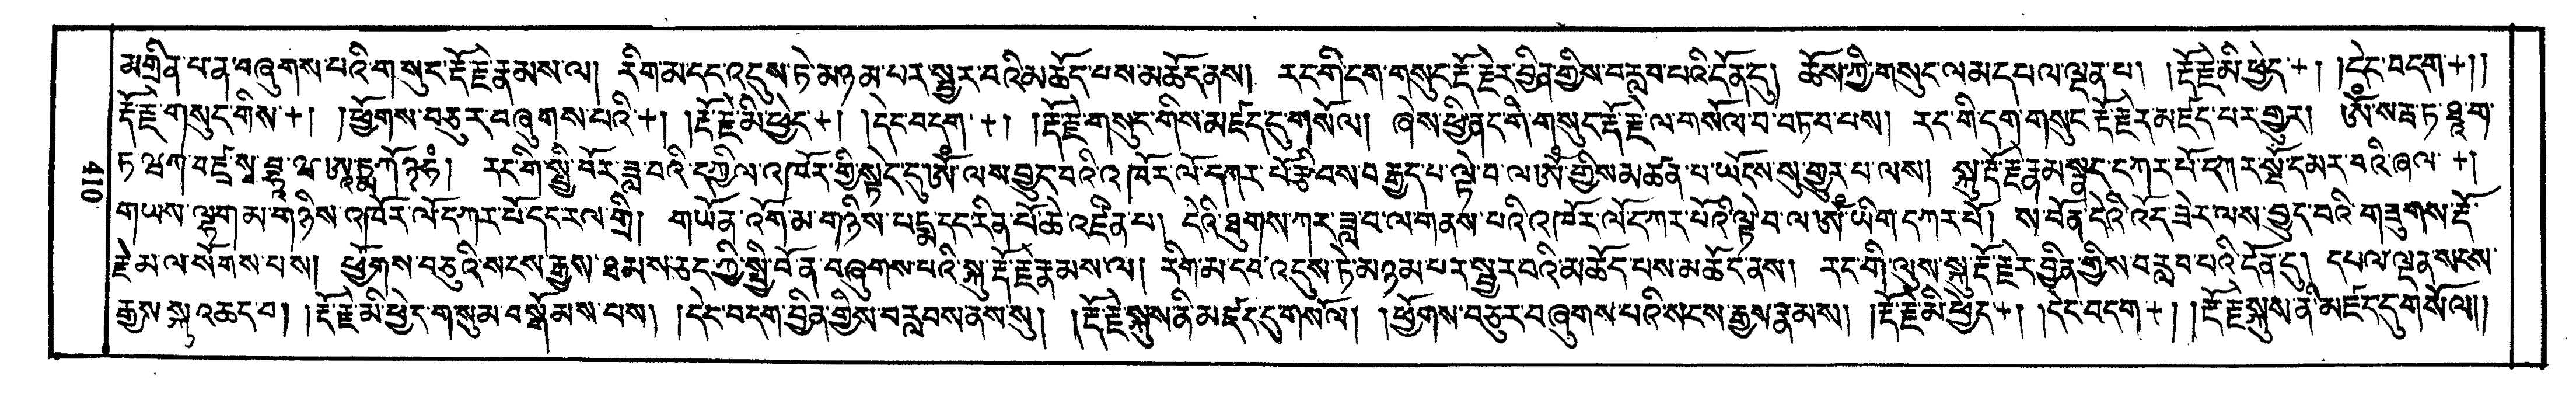མགྲན་བན་བཞུགས་པའི་གསུང་རྡོ་རྗེ་རྣམས་ལ། རིག་མ་དང་འདུས་ཏེ་མཉམ་པར་སྦྱར་བའི་མཆོད་པས་མཆོད་ནས། རང་གི་ངག་གསུང་རྡོ་རྗེར་བྱིན་གྱིས་བརླབ་པའི་དོན་དུ། ཆོས་ཀྱི་གསུང་ལམ་དཔལ་ལྡན་པ། །རྡོ་རྗེ་མི་ཕྱེད་+། །དེང་བདག་+།།
རྡོ་རྗེ་གསུང་གིས་+། །ཕྱོགས་བཅུར་བཞུགས་པའི་+། །རྡོ་རྗེ་མི་ཕྱེད་+། །དེང་བདག་+། །རྡོ་རྗེ་གསུང་གིས་མཛད་དུ་གསོལ། ཞེས་ཕྱི་ནང་གི་གསུང་རྡོ་རྗེ་ལ་གསོལ་བ་བཏབ་པས། རང་གི་ངག་གསུང་རྡོ་རྗེར་མཛད་པར་གྱུར། ཨོཾ་སརྦ་ཏ་ཐཱ་ག་
ཏ་ཝཱཀ་བཛྲ་སྭ་བྷཱ་ཝ་ཨཱཏྨ་ཀོཉྷཾ། རང་གི་སྤྱི་བོར་ཟླ་བའི་དཀྱིལ་འཁོར་གྱི་སྟེང་དུ་ཨོཾ་ལས་བྱུང་བའི་འཁོར་ལོ་དཀར་པོ་རྩིབས་བརྒྱད་པ་ལྟེ་བ་ལ་ཨོཾ་ཀྱིས་མཚན་པ་ཡོངས་སུ་གྱུར་པ་ལས། སྐུ་རྡོ་རྗེ་རྣམ་སྣང་དཀར་པོ་དཀར་སྔོ་དམར་བའི་ཞལ་+།
གཡས་ལྷག་མ་གཉིས་འཁོར་ལོ་དཀར་པོ་དང་རལ་གྲི། གཡོན་འོག་མ་གཉིས་པདམ་དང་རིན་པོ་ཆེ་འཛིན་པ། དེའི་ཐུགས་ཀར་ཟླ་བ་ལ་གནས་པའི་འཁོར་ལོ་དཀར་པོའི་ལྟེ་བ་ལ་ཨོཾ་ཡིག་དཀར་པོ། ས་བོན་དེའི་འོད་ཟེར་ལས་བྱུང་བའི་གཟུགས་རྡོ་
རྗེ་མ་ལ་སོགས་པས། ཕྱོགས་བཅུའི་སངས་རྒྱས་ཐམས་ཅད་ཀྱི་སྤྱི་བོ་ན་བཞུགས་པའི་སྐུ་རྡོ་རྗེ་རྣམས་ལ། རིག་མ་དང་འདུས་ཏེ་མཉམ་པར་སྦྱར་བའི་མཆོད་པས་མཆོད་ནས། རང་གི་ལུས་སྐུ་རྡོ་རྗེར་བྱིན་གྱིས་བརླབ་པའི་དོན་དུ། དཔལ་ལྡན་སངས་
རྒྱས་སྐུ་འཆང་བ། །རྡོ་རྗེ་མི་ཕྱེད་གསུམ་བསྒོམས་པས། །དེང་བདག་བྱིན་གྱིས་བརླབས་ནས་སུ། །རྡོ་རྗེ་སྐུས་ནི་མཛད་དུ་གསོལ། །ཕྱོགས་བཅུར་བཞུགས་པའི་སངས་རྒྱས་རྣམས། །རྡོ་རྗེ་མི་ཕྱེད་+། །དེང་བདག་+། །རྡོ་རྗེ་སྐུས་ནི་མཛད་དུ་གསོལ།།